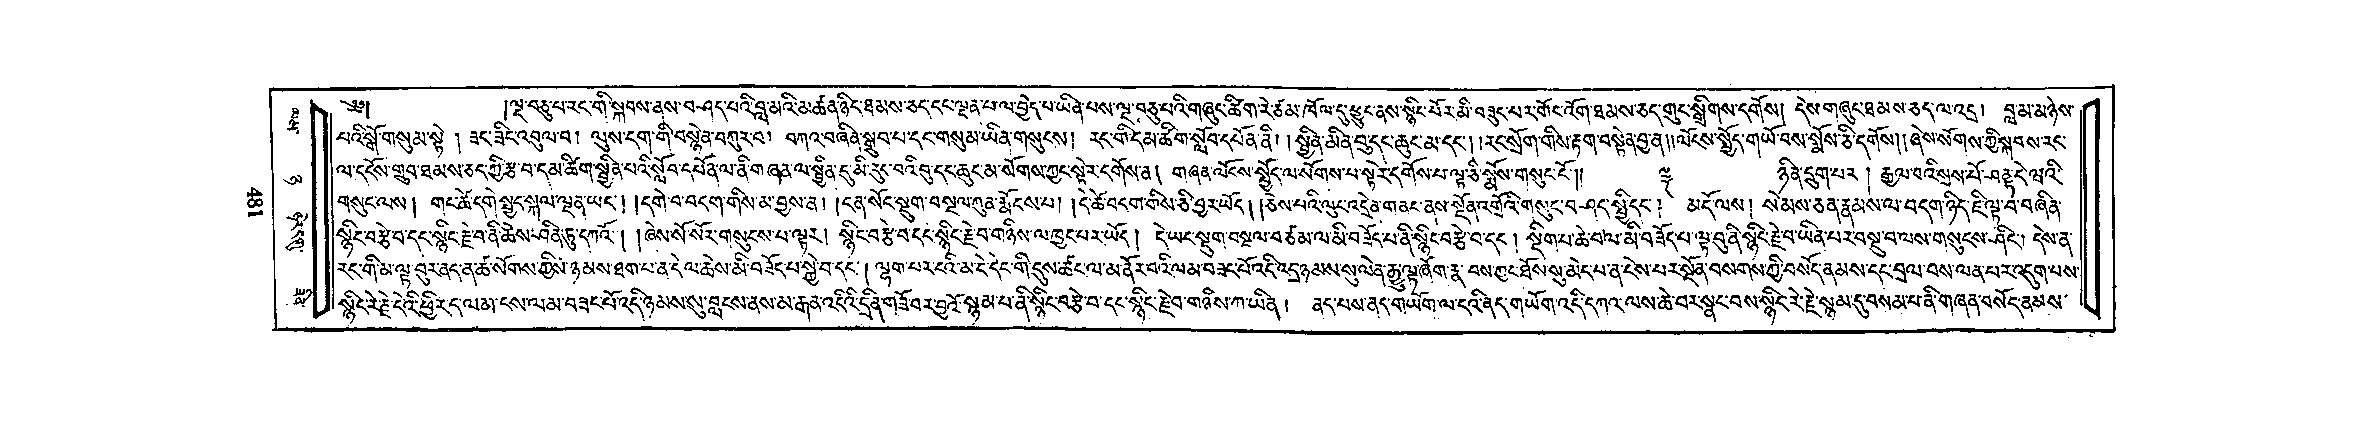༄༅། །ལྔ་བཅུ་པ་རང་གི་སྐབས་ནས་བཤད་པའི་བླ་མའི་མཚན་ཉིད་ཐམས་ཅད་དང་ལྡན་པ་ལ་བྱེད་པ་ཡིན་པས་ལྔ་བཅུ་པའི་གཞུང་ཚིག་རེ་ཙམ་ཁོལ་དུ་ཕྱུང་ནས་སྙིང་པོར་མི་བཟུང་པར་གོང་འོག་ཐམས་ཅད་གུང་སྒྲིགས་དགོས། དེས་གཞུང་ཐམས་ཅད་ལ་འདྲ། བླ་མ་མཉེས་
པའི་སྒོ་གསུམ་སྟེ། ཟང་ཟིང་འབུལ་བ། ལུས་ངག་གི་བསྙེན་བཀུར་བ། བཀའ་བཞིན་སྒྲུབ་པ་དང་གསུམ་ཡིན་གསུངས། རང་གི་དམ་ཚིག་སློབ་དཔོན་ནི། །སྦྱིན་མིན་བུ་དང་ཆུང་མ་དང་། །རང་སྲོག་གིས་རྟག་བསྟེན་བྱ་ན། །ལོངས་སྤྱོད་གཡོ་བས་སྨོས་ཅི་དགོས། །ཞེས་སོགས་ཀྱི་སྐབས་རང་
ལ་དངོས་གྲུབ་ཐམས་ཅད་ཀྱི་རྩ་བ་དམ་ཚིག་སྦྱིན་པའི་སློབ་དཔོན་ལ་ནི་གཞན་ལ་སྦྱིན་དུ་མི་རུང་བའི་བུ་དང་ཆུང་མ་སོགས་ཀྱང་སྟེར་དགོས་ན། གཞན་ལོངས་སྤྱོད་ལ་སོགས་པ་སྟེར་དགོས་པ་ལྟ་ཅི་སྨོས་གསུང་ངོ།། ༈ །།ཉིན་དྲུག་པར། རྒྱལ་བའི་སྲས་པོ་ཤནྟ་དེ་ཝའི་
གསུང་ལས། གང་ཚེ་དགེ་སྤྱད་སྐལ་ལྡན་ཡང་། །དགེ་བ་བདག་གིས་མ་བྱས་ན། །ངན་སོང་སྡུག་བསྔལ་ཀུན་རྨོངས་པ། །དེ་ཚེ་བདག་གིས་ཅི་བྱར་ཡོད། །ཅེས་པའི་ལུང་འདྲེན་གནང་ནས་སྔོན་འགྲོའི་གསུང་བཤད་སྤྱི་དང་། མདོ་ལས། སེམས་ཅན་རྣམས་ལ་བདག་ཉིད་ཇི་ལྟ་བ་བཞིན་
སྙིང་བརྩེ་བ་དང་སྙིང་རྗེ་བ་ནི་ཆེས་ཤིན་ཏུ་དཀའོ། །ཞེས་སོ་སོར་གསུངས་པ་ལྟར། སྙིང་བརྩེ་བ་དང་སྙིང་རྗེ་བ་གཉིས་ལ་ཁྱད་པར་ཡོད། དེ་ཡང་སྡུག་བསྔལ་བཙམ་ལ་མི་བཟོད་པ་ནི་སྙིང་བརྩེ་བ་དང་། སྡིག་པ་ཆེ་བ་ལ་མི་བཟོད་པ་ལྟ་བུ་ནི་སྙིང་རྗེ་བ་ཡིན་པར་བསྡུ་བ་ལས་གསུངས་ཤིང་། དེས་ན་
རང་གི་མ་ལྟ་བུར་ནད་ན་ཚ་སོགས་ཀྱིས་ཉམས་ཐག་པ་ན་དེ་ལ་ཆེས་མི་བཟོད་པ་སྐྱེ་བ་དང་། ལྷག་པར་ངའི་མ་དེ་དེང་གི་དུས་ཚང་ལ་མ་ནོར་བའི་ལམ་བཟང་པོ་འདི་འདྲ་ཉམས་སུ་ལེན་རྒྱུ་ལྟ་ཞོག་རྣ་བས་ཀྱང་ཐོས་སུ་མེད་པ་ན་ངེས་པར་སྔོན་བསགས་ཀྱི་བསོད་ནམས་དང་བྲལ་བས་ལན་པར་འདུག་པས་
སྙིང་རེ་རྗེ་དེའི་ཕྱིར་ད་ལམ་ངས་ལམ་བཟང་པོ་འདི་ཉམས་སུ་བླངས་ནས་མ་རྒན་འདིའི་དྲིན་གཟོ་བར་བྱའོ་སྙམ་པ་ནི་སྙིང་བརྩེ་བ་དང་སྙིང་རྗེབ་གཉིས་ཀ་ཡིན། ནད་པས་ནད་གཡོག་ལ་ངའི་ནད་གཡོག་འདི་དཀའ་ལས་ཆེ་བར་སྣང་བས་སྙིང་རེ་རྗེ་སྙམ་དུ་བསམ་པ་ནི་གཞན་བསོད་ནམས་